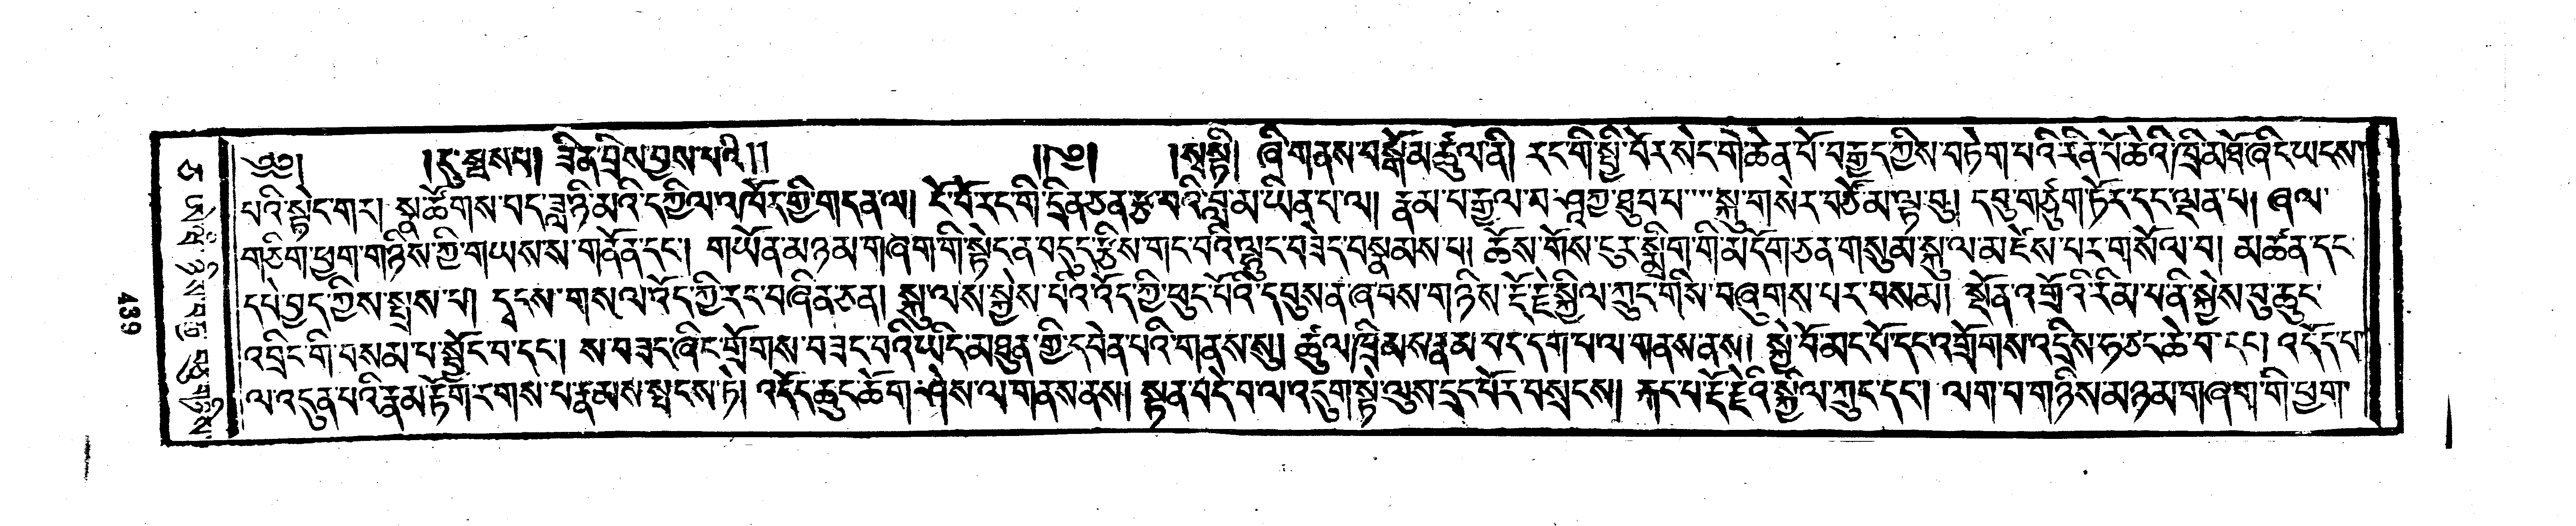༄༅། །སྭ་སྟི། ཞི་གནས་བསྒོམ་ཚུལ་ནི། རང་གི་སྤྱི་བོར་སེང་གེ་ཆེན་པོ་བརྒྱད་ཀྱིས་བཏེག་པའི་རིན་པོ་ཆེའི་ཁྲི་མཐོ་ཞིང་ཡངས་
པའི་སྟེང་གར། སྣ་ཚོགས་པད་ཟླ་ཉི་མའི་དཀྱིལ་འཁོར་གྱི་གདན་ལ། ངོ་བོ་རང་གི་དྲིན་ཅན་རྩ་བའི་བླ་མ་ཡིན་པ་ལ། རྣམ་པ་རྒྱལ་བ་ཤཱཀྱ་ཐུབ་པ་སྐུ་གསེར་བཙོ་མ་ལྟ་བུ། དབུ་གཙུག་ཏོར་དང་ལྡན་པ། ཞལ་
གཅིག་ཕྱག་གཉིས་ཀྱི་གཡས་ས་གནོན་དང་། གཡོན་མཉམ་གཞག་གི་སྟེང་ན་བདུད་རྩིས་གང་བའི་ལྷུང་བཟེད་བསྣམས་པ། ཆོས་གོས་ངུར་སྨྲིག་གི་མདོག་ཅན་གསུམ་སྐུ་ལ་མཛེས་པར་གསོལ་བ། མཚན་དང་
དཔེ་བྱད་ཀྱིས་སྤྲས་པ། དྭངས་གསལ་འོད་ཀྱི་རང་བཞིན་ཅན། སྐུ་ལས་སྐྱེས་པའི་འོད་ཀྱི་ཕུང་པོའི་དབུས་ན་ཞབས་གཉིས་རྡོ་རྗེ་སྐྱིལ་ཀྲུང་གིས་བཞུགས་པར་བསམ། སྔོན་འགྲོའི་རིམ་པ་ནི་སྐྱེས་བུ་ཆུང་
འབྲིང་གི་བསམ་པ་སྦྱོང་བ་དང་། ས་བཟང་ཞིང་གྲོགས་བཟང་བའི་ཡིད་མཐུན་གྱི་དབེན་པའི་གནས་སུ། ཚུལ་ཁྲིམས་རྣམ་པར་དག་པ་ལ་གནས་ནས། སྐྱེ་བོ་མང་པོ་དང་འགྲོགས་འདྲིས་ཧ་ཅང་ཆེ་བ་དང་། འདོད་པ་
ལ་འདུན་པའི་རྣམ་རྟོག་རགས་པ་རྣམས་སྤངས་ཏེ། འདོད་ཆུང་ཆོག་ཤེས་ལ་གནས་ནས། སྟན་བདེ་བ་ལ་འདུག་སྟེ་ལུས་དྲང་པོར་བསྲངས། རྐང་པ་རྡོ་རྗེའི་སྐྱིལ་ཀྲུང་དང་། ལག་པ་གཉིས་མཉམ་གཞག་གི་ཕྱག་